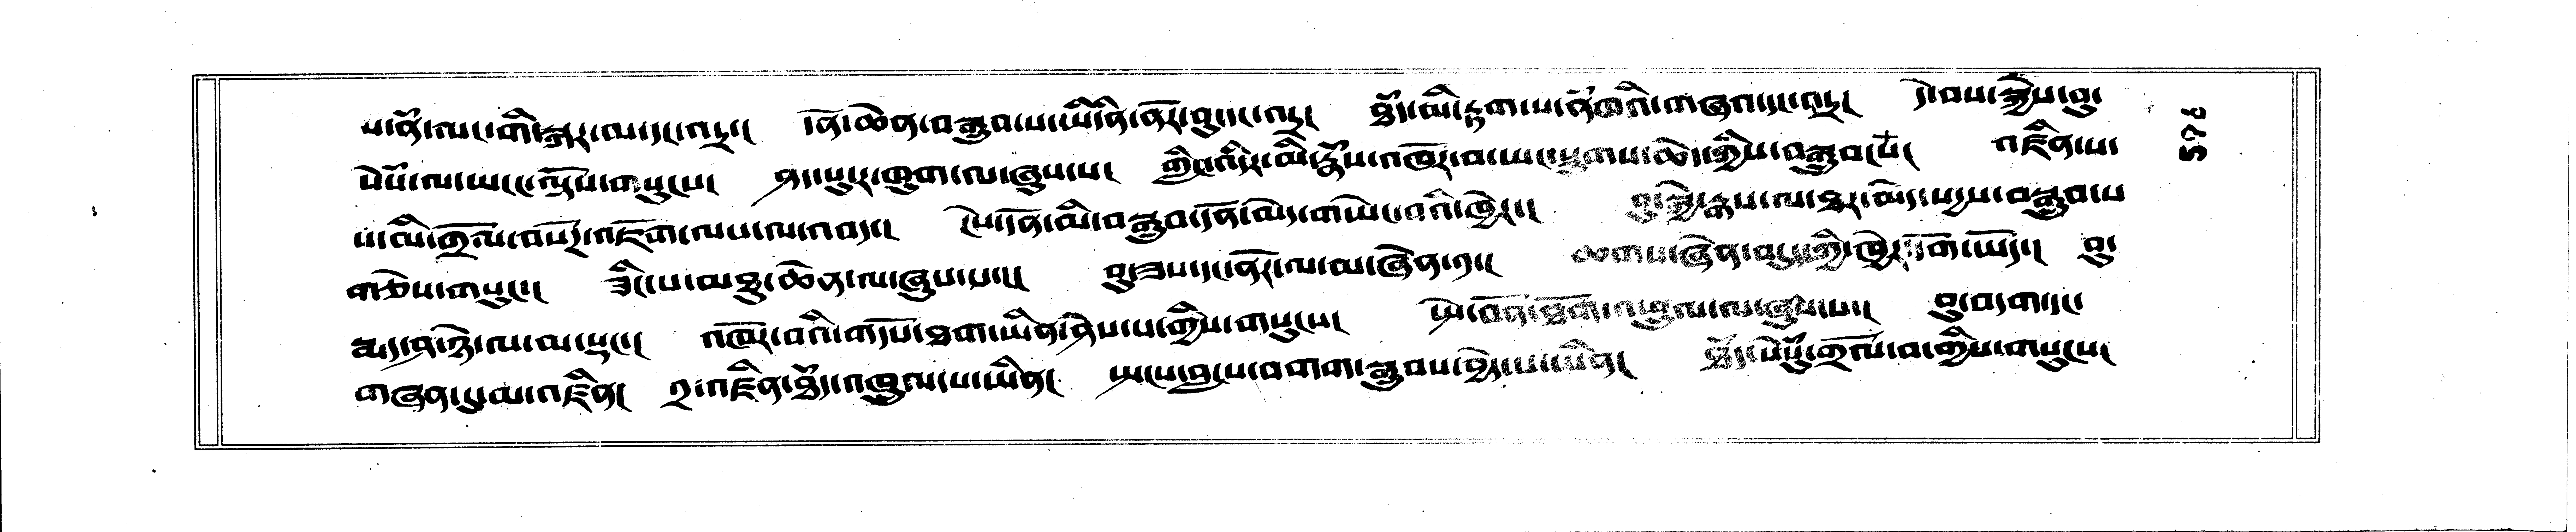པ་ནི་ནམ་ལང་གི་སྐར་མ་འདྲ། དོན་ཆེན་སྒྲུབ་པ་ནི་ཡིད་བཞིན་གྱི་ནོར་བུ་དང་འདྲ། ཐམས་ཅད་མི་རྟག་པ་ནམ་མཁའི་གཞའ་ཚོན་དང་འདྲ། དེ་བས་སྐྱེས་བུ་
སེམས་ལ་ཡང་ཡང་ལྟོས་གསུངས། ཤད་པུ་ར་ཁུག་ལ་ཞུས་པས། གླིང་འདིར་འཁོར་བ་མི་སྤང་སྡུག་བསྔལ་ཆེད་ཀྱི་བསྒྲུབ། འཛིན་པ་
མི་གྲོལ་བསོགས་འཇོག་ལས་ལ་བྷད་(འབད)། ངེས་དོན་མི་བསྒྲུབ་དོན་མེད་གཡེང་བས་ཁྱེར། བུ་སྐྱེ་རྒས་ལ་ཐར་མེད་སངས་རྒྱས་བསྒྲུབ་པ་
གཅེས་གསུངས། ཟིང་པ་མཐུ་ཆེན་ལ་ཞུས་པས། བུ་ཟས་དང་ནོར་ལ་མ་ཞེན་གཅིག བག་ཆགས་བདུད་ཀྱི་ཁྱེར་དོག་ཡོད། བུ་
རྨེད་ཤ་ཉེ་ལ་མ་གདུང་གཅིག། འཁོར་བའི་གདོས་ཐག་ཡིན་ནོ་ཤེས་པར་གྱིས་གསུངས། སྤེ་བོན་ཐོགས་འཕྲུལ་ལ་ཞུས་པས། བུ་བདག་དང་
གཞན་དུ་མ་འཛིན་ཅིག གཉིས་འཛིན་ཐམས་ཅད་འཁྲུལ་བ་ཡིན། སྤང་བླང་བཀགས་བསྒྲུབ་མ་བྱེད་ཅིག ཐམས་ཅད་སེམས་སུ་གྲོལ་བ་གྱིས་གསུངས།